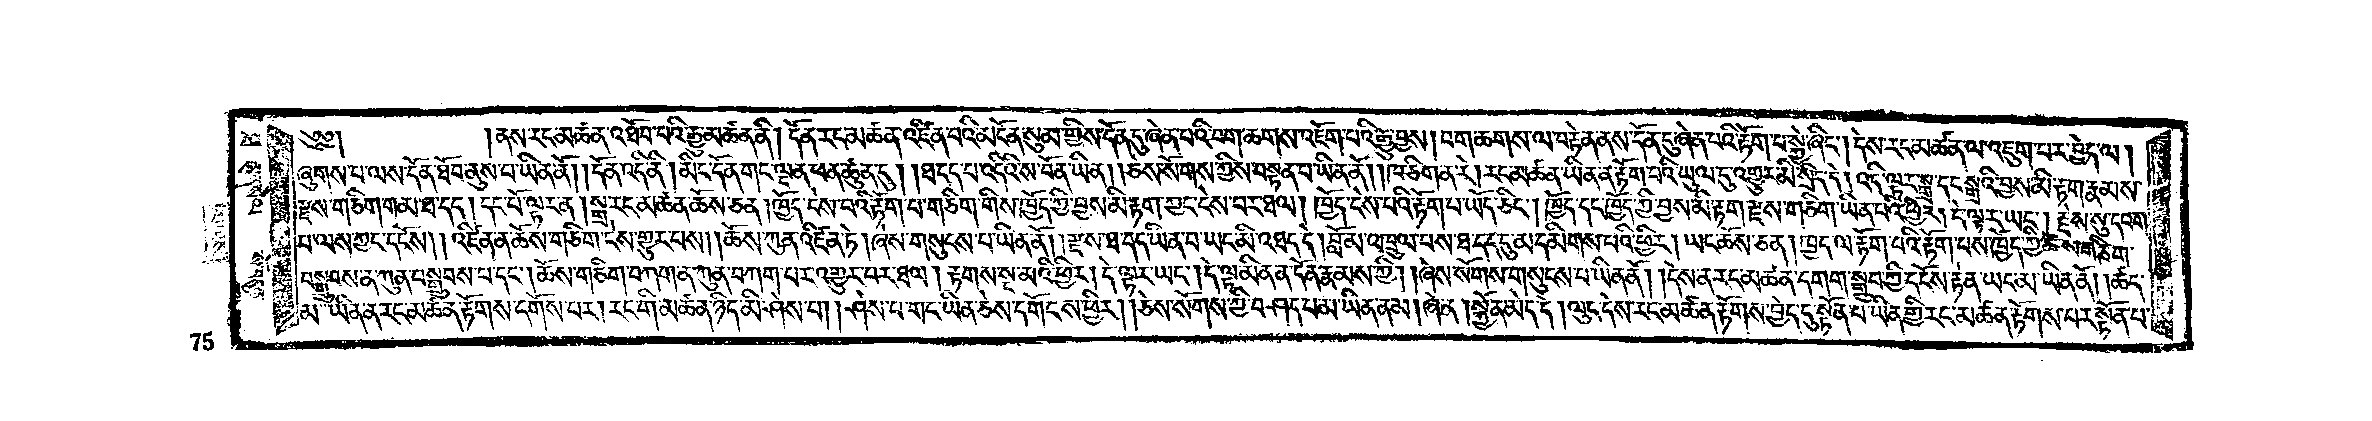༄༅། །ནས་རང་མཚན་འཐོབ་པའི་རྒྱུ་མཚན་ནི། དོན་རང་མཚན་འཛིན་པའི་མངོན་སུམ་གྱིས་དོན་དུ་ཞེན་པའི་བག་ཆགས་འཇོག་པའི་རྒྱུ་བྱས། བག་ཆགས་ལ་བརྟེན་ནས་དོན་དུ་ཞེན་པའི་རྟོག་པ་སྐྱེ་ཞིང་། དེས་རང་མཚན་ལ་འཇུག་པར་བྱེད་ལ།
ཞུགས་པ་ལས་དོན་ཐོབ་ནུས་པ་ཡིན་ནོ། །དོན་འདི་ནི། མིང་དོན་གང་ལྡན་ཕན་ཚུན་དུ། །ཐ་དད་པ་འདིའི་ས་བོན་ཡིན། །ཅེས་སོགས་ཀྱིས་བསྟན་པ་ཡིན་ནོ། །ཁ་ཅིག་ན་རེ། རང་མཚན་ཡིན་ན་རྟོག་པའི་ཡུལ་དུ་འགྱུར་མི་སྲིད་དེ། འདི་ལྟར་སྒྲ་དང་སྒྲའི་བྱས་མི་རྟག་རྣམས་
རྫས་གཅིག་གམ་ཐ་དད། དང་པོ་ལྟར་ན། སྒྲ་རང་མཚན་ཆོས་ཅན། ཁྱོད་ངེས་པའི་རྟོག་པ་གཅིག་གིས་ཁྱོད་ཀྱི་བྱས་མི་རྟག་ཀྱང་ངེས་པར་ཐལ། ཁྱོད་ངེས་པའི་རྟོག་པ་ཡོད་ཅིང་། ཁྱོད་དང་ཁྱོད་ཀྱི་བྱས་མི་རྟག་རྫས་གཅིག་ཡིན་པའི་ཕྱིར། དེ་ལྟར་ཡང་། རྗེས་སུ་དཔག་
པ་ལས་ཀྱང་དངོས། །འཛིན་ན་ཆོས་གཅིག་ངེས་གྱུར་པས། །ཆོས་ཀུན་འཛིན་ཏེ། ཞེས་གསུངས་པ་ཡིན་ནོ། །རྫས་ཐ་དད་ཡིན་པ་ཡང་མི་འཐད་དེ། བློ་མ་འཁྲུལ་པས་ཐ་དད་དུ་མ་དམིགས་པའི་ཕྱིར། ཡང་ཆོས་ཅན། ཁྱོད་ལ་རྟོག་པའི་རྟོག་པས་ཁྱོད་ཀྱི་ཆོས་གཅིག་
བསྒྲུབས་ན་ཀུན་བསྒྲུབས་པ་དང་། ཆོས་གཅིག་བཀག་ན་ཀུན་བཀག་པར་འགྱུར་བར་ཐལ། རྟགས་སྔ་མའི་ཕྱིར། དེ་ལྟར་ཡང་། དེ་ལྟ་མིན་ན་དོན་རྣམས་ཀྱི། །ཞེས་སོགས་གསུངས་པ་ཡིན་ནོ། །དེས་ན་རང་མཚན་དགག་སྒྲུབ་ཀྱི་དངོས་རྟེན་ཡང་མ་ཡིན་ནོ། །ཚད་
མ་ཡིན་ན་རང་མཚན་རྟོགས་དགོས་པར། རང་གི་མཚན་ཉིད་མི་ཤེས་པ། །ཤེས་པ་གང་ཡིན་ཅེས་དགོངས་ཕྱིར། །ཅེས་སོགས་ཀྱི་བཤད་པ་མ་ཡིན་ནམ། ཞེ་ན། སྐྱོན་མེད་དེ། ལུང་དེས་རང་མཚན་རྟོགས་བྱེད་དུ་སྟོན་པ་ཡིན་གྱི་རང་མཚན་རྟོགས་པར་སྟོན་པ་